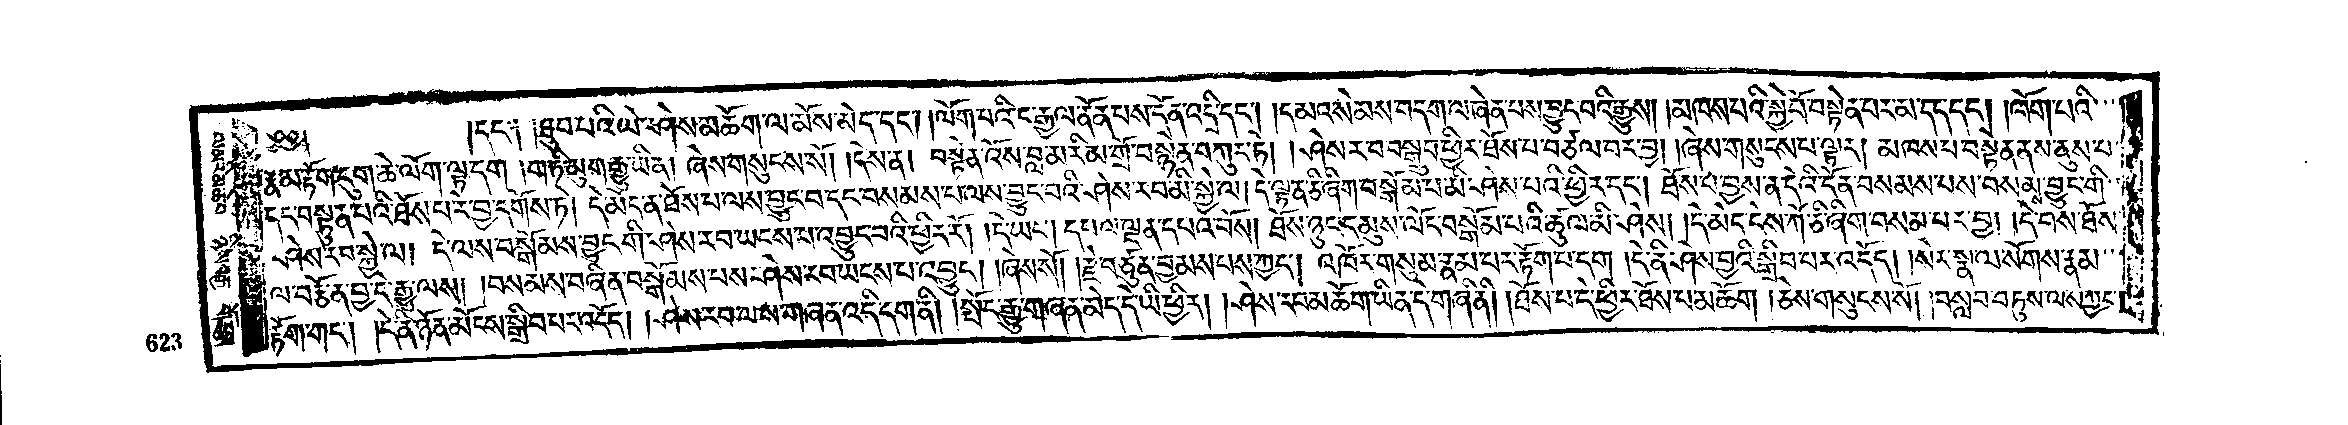༄༅། །དང༑ ༑ཐུབ་པའི་ཡེ་ཤེས་མཆོག་ལ་མོས་མེད་དང་། །ལོག་པའི་ང་རྒྱལ་ནོན་པས་དོན་འདྲི་དང་། །དམའ་སེམས་བདག་ལ་ཞེན་པས་བྱུང་བའི་རྒྱུས། །མཁས་པའི་སྐྱེ་བོ་བསྟེན་པར་མ་དད་དང་། །ལོག་པའི་
རྣམ་རྟོག་དུག་ཆེ་ལོག་ལྟ་དག །གཏི་མུག་རྒྱུ་ཡིན། ཞེས་གསུངས་སོ། །དེས་ན། བསྟེན་འོས་བླ་མ་རིམ་གྲོ་བསྙེན་བཀུར་ཏེ། །ཤེས་རབ་བསྒྲུབ་ཕྱིར་ཐོས་པ་བཙལ་བར་བྱ། །ཞེས་གསུངས་པ་ལྟར། མཁས་པ་བསྟེན་ནས་ནུས་པ་
དང་བསྟུན་པའི་ཐོས་པ་རེ་བྱ་དགོས་ཏེ། དེ་མེད་ན་ཐོས་པ་ལས་བྱུང་བ་དང་བསམས་པ་ལས་བྱུང་བའི་ཤེས་རབ་མི་སྐྱེ་ལ། དེ་ལྟ་ན་ཅི་ཞིག་བསྒོམ་པ་མི་ཤེས་པའི་ཕྱིར་དང་། ཐོས་པ་བྱས་ན་དེའི་དོན་བསམས་པས་བསམ་བྱུང་གི་
ཤེས་རབ་སྐྱེ་ལ། དེ་ལས་བསྒོམས་བྱུང་གི་ཤེས་རབ་ཡངས་པ་འབྱུང་བའི་ཕྱིར་རོ། །དེ་ཡང་། དཔལ་ལྡན་དཔའ་བོས། ཐོས་ཉུང་དམུས་ལོང་བསྒོམ་པའི་ཚུལ་མི་ཤེས། །དེ་མེད་དེས་ཀོ་ཅི་ཞིག་བསམ་པར་བྱ། །དེ་བས་ཐོས་
ལ་བརྩོན་བྱ་དེ་རྒྱུ་ལས། །བསམས་བཞིན་བསྒོམས་པས་ཤེས་རབ་ཡངས་པ་འབྱུང་། །ཞེས་སོ། །རྗེ་བཙུན་བྱམས་པས་ཀྱང་། འཁོར་གསུམ་རྣམ་པར་རྟོག་པ་དག །དེ་ནི་ཤེས་བྱའི་སྒྲིབ་པར་འདོད། །སེར་སྣ་ལ་སོགས་རྣམ་
རྟོག་གང་། །དེ་ནི་ཉོན་མོངས་སྒྲིབ་པར་འདོད། །ཤེས་རབ་ལས་གཞན་འདི་དག་ནི། །སྤོང་རྒྱུ་གཞན་མེད་དེ་ཡི་ཕྱིར། །ཤེས་རབ་མཆོག་ཡིན་དེ་གཞི་ནི། །ཐོས་པ་དེ་ཕྱིར་ཐོས་པ་མཆོག །ཅེས་གསུངས་སོ། །བསླབ་བཏུས་ལས་ཀྱང་།